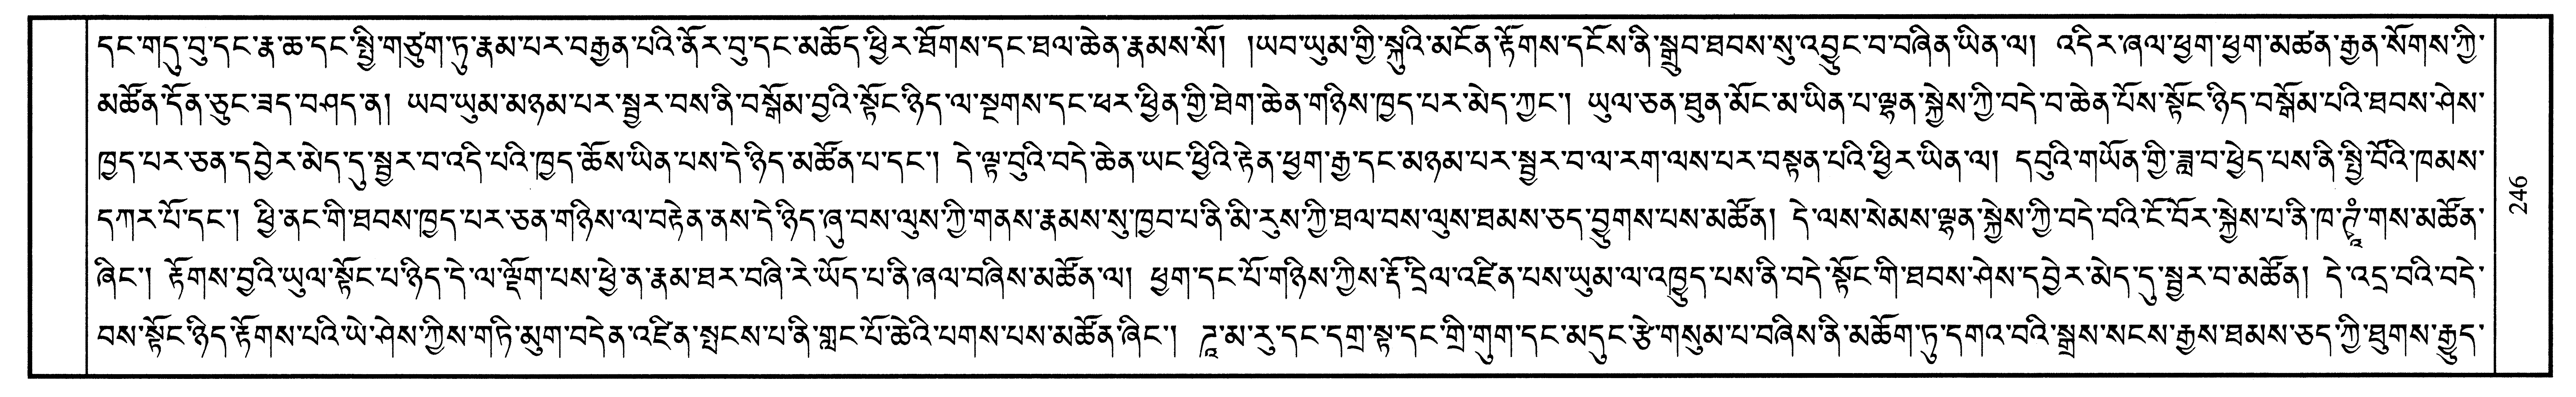དང་གདུ་བུ་དང་རྣ་ཆ་དང་སྤྱི་གཙུག་ཏུ་རྣམ་པར་བརྒྱན་པའི་ནོར་བུ་དང་མཆོད་ཕྱིར་ཐོགས་དང་ཐལ་ཆེན་རྣམས་སོ། །ཡབ་ཡུམ་གྱི་སྐུའི་མངོན་རྟོགས་དངོས་ནི་སྒྲུབ་ཐབས་སུ་འབྱུང་བ་བཞིན་ཡིན་ལ། འདིར་ཞལ་ཕྱག་ཕྱག་མཚན་རྒྱན་སོགས་ཀྱི་
མཚོན་དོན་ཅུང་ཟད་བཤད་ན། ཡབ་ཡུམ་མཉམ་པར་སྦྱར་བས་ནི་བསྒོམ་བྱའི་སྟོང་ཉིད་ལ་སྔགས་དང་ཕར་ཕྱིན་གྱི་ཐེག་ཆེན་གཉིས་ཁྱད་པར་མེད་ཀྱང་། ཡུལ་ཅན་ཐུན་མོང་མ་ཡིན་པ་ལྷན་སྐྱེས་ཀྱི་བདེ་བ་ཆེན་པོས་སྟོང་ཉིད་བསྒོམ་པའི་ཐབས་ཤེས་
ཁྱད་པར་ཅན་དབྱེར་མེད་དུ་སྦྱར་བ་འདི་པའི་ཁྱད་ཆོས་ཡིན་པས་དེ་ཉིད་མཚོན་པ་དང་། དེ་ལྟ་བུའི་བདེ་ཆེན་ཡང་ཕྱིའི་རྟེན་ཕྱག་རྒྱ་དང་མཉམ་པར་སྦྱར་བ་ལ་རག་ལས་པར་བསྟན་པའི་ཕྱིར་ཡིན་ལ། དབུའི་གཡོན་གྱི་ཟླ་བ་ཕྱེད་པས་ནི་སྤྱི་བོའི་ཁམས་
དཀར་པོ་དང་། ཕྱི་ནང་གི་ཐབས་ཁྱད་པར་ཅན་གཉིས་ལ་བརྟེན་ནས་དེ་ཉིད་ཞུ་བས་ལུས་ཀྱི་གནས་རྣམས་སུ་ཁྱབ་པ་ནི་མི་རུས་ཀྱི་ཐལ་བས་ལུས་ཐམས་ཅད་བྱུགས་པས་མཚོན། དེ་ལས་སེམས་ལྷན་སྐྱེས་ཀྱི་བདེ་བའི་ངོ་བོར་སྐྱེས་པ་ནི་ཁ་ཊྭཱཾ་གས་མཚོན་
ཞིང་། རྟོགས་བྱའི་ཡུལ་སྟོང་པ་ཉིད་དེ་ལ་ལྡོག་པས་ཕྱེ་ན་རྣམ་ཐར་བཞི་རེ་ཡོད་པ་ནི་ཞལ་བཞིས་མཚོན་ལ། ཕྱག་དང་པོ་གཉིས་ཀྱིས་རྡོ་དྲིལ་འཛིན་པས་ཡུམ་ལ་འཁྱུད་པས་ནི་བདེ་སྟོང་གི་ཐབས་ཤེས་དབྱེར་མེད་དུ་སྦྱར་བ་མཚོན། དེ་འདྲ་བའི་བདེ་
བས་སྟོང་ཉིད་རྟོགས་པའི་ཡེ་ཤེས་ཀྱིས་གཏི་མུག་བདེན་འཛིན་སྤངས་པ་ནི་གླང་པོ་ཆེའི་པགས་པས་མཚོན་ཞིང་། ཌཱ་མ་རུ་དང་དགྲ་སྟ་དང་གྲི་གུག་དང་མདུང་རྩེ་གསུམ་པ་བཞིས་ནི་མཆོག་ཏུ་དགའ་བའི་སྒྲས་སངས་རྒྱས་ཐམས་ཅད་ཀྱི་ཐུགས་རྒྱུད་